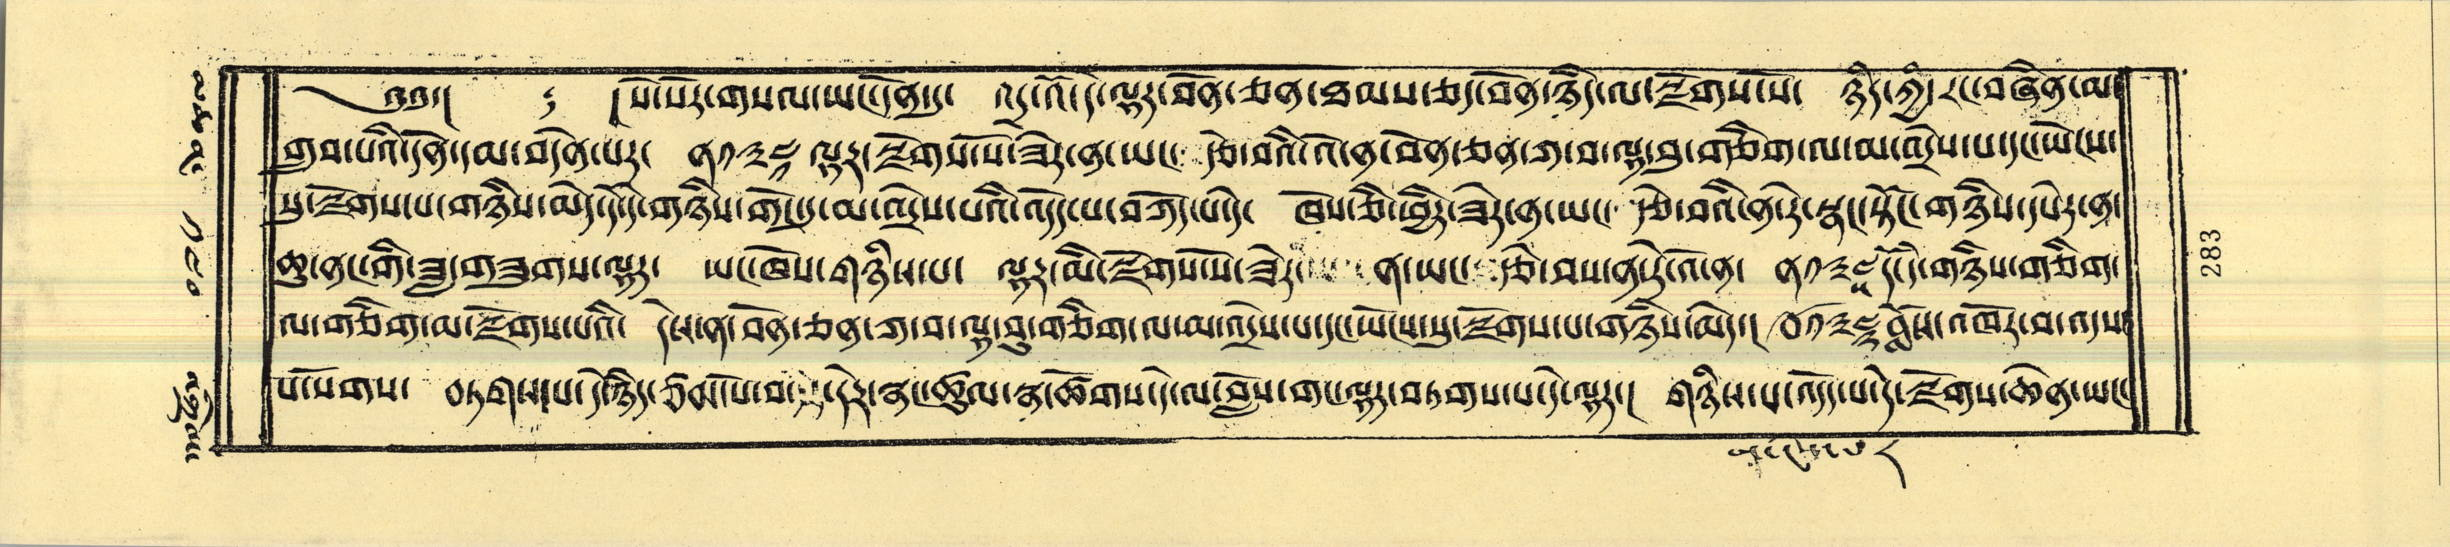སོ་སོར་གསལ་ཡང་དོན་དུ། འདྲ་འོ་དེ་ལྟར་བོན་ཅན་ཐམས་ཅད་བོན་ཉིད་ལ་སྫོགས་སོ། ཉིད་ཀྱི་རང་བཞིན་མ་
གྲུབ་པའི་དོན་དམ་བདེན་པར་ ན༡༣༤།༡ ལྟར་སྫོགས་སོ་ཟེར་ན་ཡང། རྩེ་བའི་འོ་ན་བོན་ཅན་ཀ་བ་ལྟ་བུ་གཅིག་ལ་མ་འདྲེས་པ་དང་ཡོངས་
སུ་སྫོགས་པ་གཉིས་མེད་དེ་དེ་གཉིས་གོང་དུ་མ་འདྲེས་པའི་འདོད་པ་བཀོད་པ་དེ། ཁོས་ཅི་ཕྱིར་ཟེར་ན་ཡང། རྩེ་བའི་ན་རེ་སྣང་སྟོང་གཉིས་དཔེར་ན་
ཆུ་ནང་གི་ཟླ་གཟུགས་ལྟར། ཡང་ཁོས་གཉིས་པ་ ལྟར་མི་སྫོགས་སོ་ཟེར་ ན་ཡང་རྩེ་བས་ན་རེ་འོ་ན་ ན༡༣༤།༥ དེ་དེ་གཉིས་གཅིག་
ལ་གཅིག་མ་སྫོགས་པའི། དེས་ན་བོན་ཅན་ཀ་བ་ལྟ་བུ་གཅིག་ལ་མ་འདྲེས་པ་དང་ཡོངས་སུ་སྫོགས་པ་གཉིས་མེད། བ༡༣༤།༢ བློས་འཁོར་བ་འདས་
པ་སོགས་ བཏགས་པ་དེ་ཉིད་ཙམ་པོ་བ་དེར་དེར་སྣང་ཚུལ་སྣ་ཚོགས་དེ་ལ་བློས་གང་ལྟར་བཏགས་པ་དེ་ལྟར། ༼གཉིས་པ་༽འདོད་པ་དེ་སྫོགས་ཆེན་ཡང་